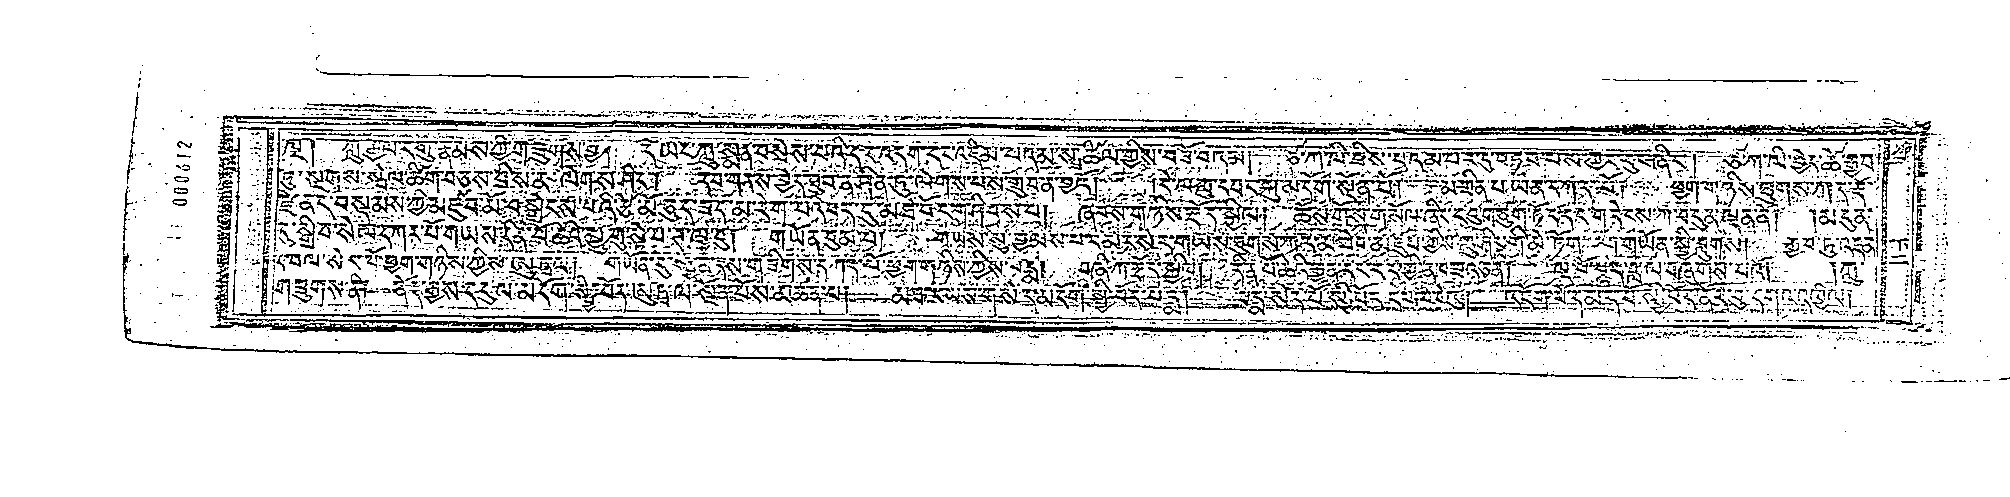ལྔ། ཀླུ་རྒྱལ་དགུ་རྣམས་ཀྱི་གཟུགས་བྱ། དེ་ཡང་ཀླུ་སྨན་བསྲེས་པའི་དང་འདག་དང་འཇིམ་པའམ་སྤྲ་ཚིལ་གྱིས་བཟོ་བའམ། ཙ་ཀ་ལི་བྲིས་པའམ་པར་དུ་བཏབ་པས་ཀྱང་རུང་ཞིང་། ཙ་ཀ་ལི་བྱེད་ཚེ་རྒྱབ་
ཏུ་སྔགས་སྤེལ་ཚིག་བཅས་བྲིས་ན་ལེགས་ཤིང་། རབ་གནས་བྱེད་ཐུབ་ན་ཤིན་ཏུ་ལེགས་པས་གྲུབ་ན་བྱའོ། །དེ་ལ་ཀླུ་དབང་སྐུ་མདོག་སྔོན་པོ། མགྲིན་པ་ཡན་དཀར་པོ། ཕྱག་གཉིས་ཐུགས་ཀར་རྡོ་
རྫེ་ནང་བསྡམས་ཀྱི་མཛུབ་མོ་བསྒྲེངས་པའི་རྩེ་མོ་ཅུང་ཟད་མ་རེག་པའི་བར་དུ་མཐེ་བོར་གཤིབས་པ། ཞབས་གཉིས་རྡོར་སྐྱིལ། ཆོས་གོས་གསོལ་ཞིང་དབུ་གཙུག་ཏོར་དང་གདེངས་ཀ་བདུན་ལྡན་ནོ། །མདུན་
དུ་སྒྲིབ་སེལ་དཀར་པོ་གཡས་རིན་པོ་ཆེའི་མྱུ་གུ་སྟེ་པ་ཊ་ལྟ་བུ། གཡོན་བུམ་པ། གཡས་སུ་བྱམས་པ་དམར་སེར་གཡས་ཐུགས་ཀར་མཐེབ་མཛུབ་ཀྱིས་ཀླུ་ཤིང་གི་མེ་ཏོག །གཡོན་སྤྱི་བླུགས། རྒྱབ་ཏུ་འཇམ་
དཔལ་སེར་པོ་ཕྱག་གཉིས་ཀྱིས་ཨུཏྤ་ལ། གཡོན་དུ་སྦྱན་རས་གཟིགས་དཀར་པོ་ཕྱག་གཉིས་ཀྱིས་པདམ། བཞི་ཀ་རྡོར་སྐྱིལ། རིན་པོ་ཆེའི་རྒྱན་དང་རང་གྱི་ན་བཟའ་ཅན། ལྔ་པོ་པད་ཟླ་ལ་བཞུགས་པའོ། །ཀླུ་
གཟུགས་ནི། ནོར་རྒྱས་དངུལ་མདོག་སྤྱི་བོར་ཨུཏྤ་ལ་སྔོན་པོས་མཚན་པ། མཐའ་ཡས་གསེར་མདོག་སྤྱི་བོར་པདམ། པདམ་སེར་པོ་སྤྱི་བོར་དཔལ་བེའུ། འཇོག་པོ་དམར་པོ་སྤྱི་བོར་ནོར་བུ་དགའ་འཁྱིལ།